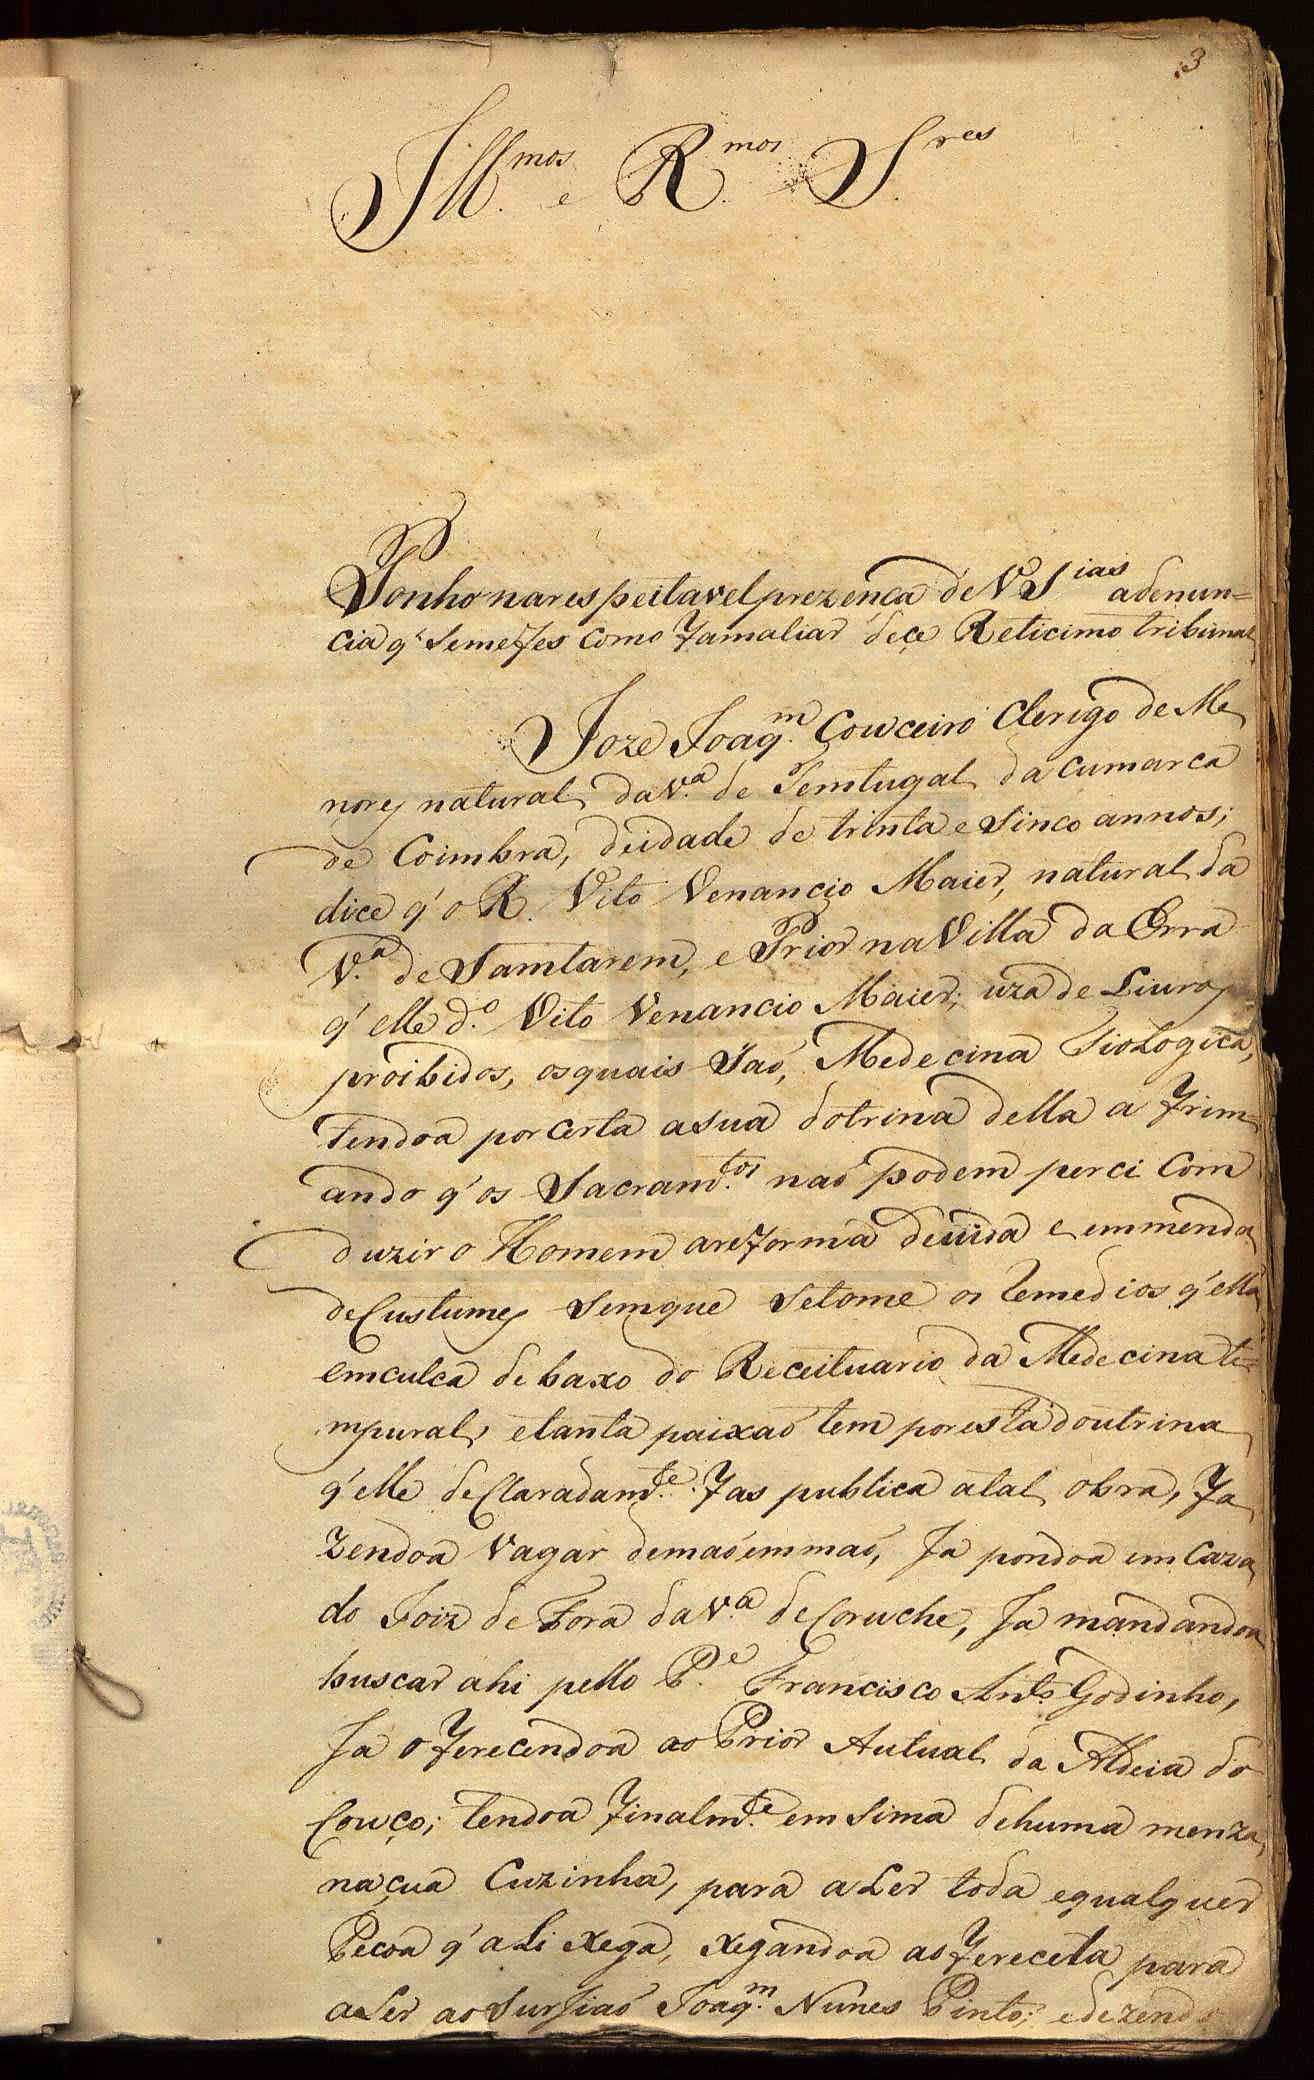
Jll.mos e R.mos S.res
Ponho na respeitavel prezença de V S.ias a denun
cia q̄ semefes como famaliar dece Reticimo tribunal
Ioze Ioaq.m Couceiro clerigo de Me
nores natural da v.a de Temtugal da cumarca
de Coimbra, de idade de trinta e sinco annos;
dice q̄ o R. Vito Venancio Maier, natural da
V.a de Samtarem, e Prior na Villa da Erra
q̄ elle d.o Vito Venancio Maier; uza de Liuros
proibidos, os quais Saõ, Medecina TioLogica,
tendoa por certa a sua dotrina della afrim
ando q̄ os Sacram.tos naõ podem per ci com
duzir o Homem a reforma deuida e emmenda
de Custumes sem que se tome os Remedios q̄ ella
emculca, debaxo do Receituario da Medecina te
mpural, e tanta paixaõ tem por esta doutrina
q̄ elle deClaradam.te fas publica a tal obra, fa
Zendoa Vagar de maõ em maõ, Ja pondoa em caza
do Ioiz de Fora da V.a de Coruche, Ja mandandoa
buscar ahi pello P.e Francisco Ant.o Godinho,
Ja oferecendoa ao Prior Autual da Aldeia do
Couço; tendoa finalm.te em sima de huma menza
na çua Cuzinha, para a Ler toda e qualquer
Peçoa q̄ aLi xega, xegandoa a oferecela para
a Ler ao Surjiaõ Ioaq.m Nunes Pinto; e dezend
